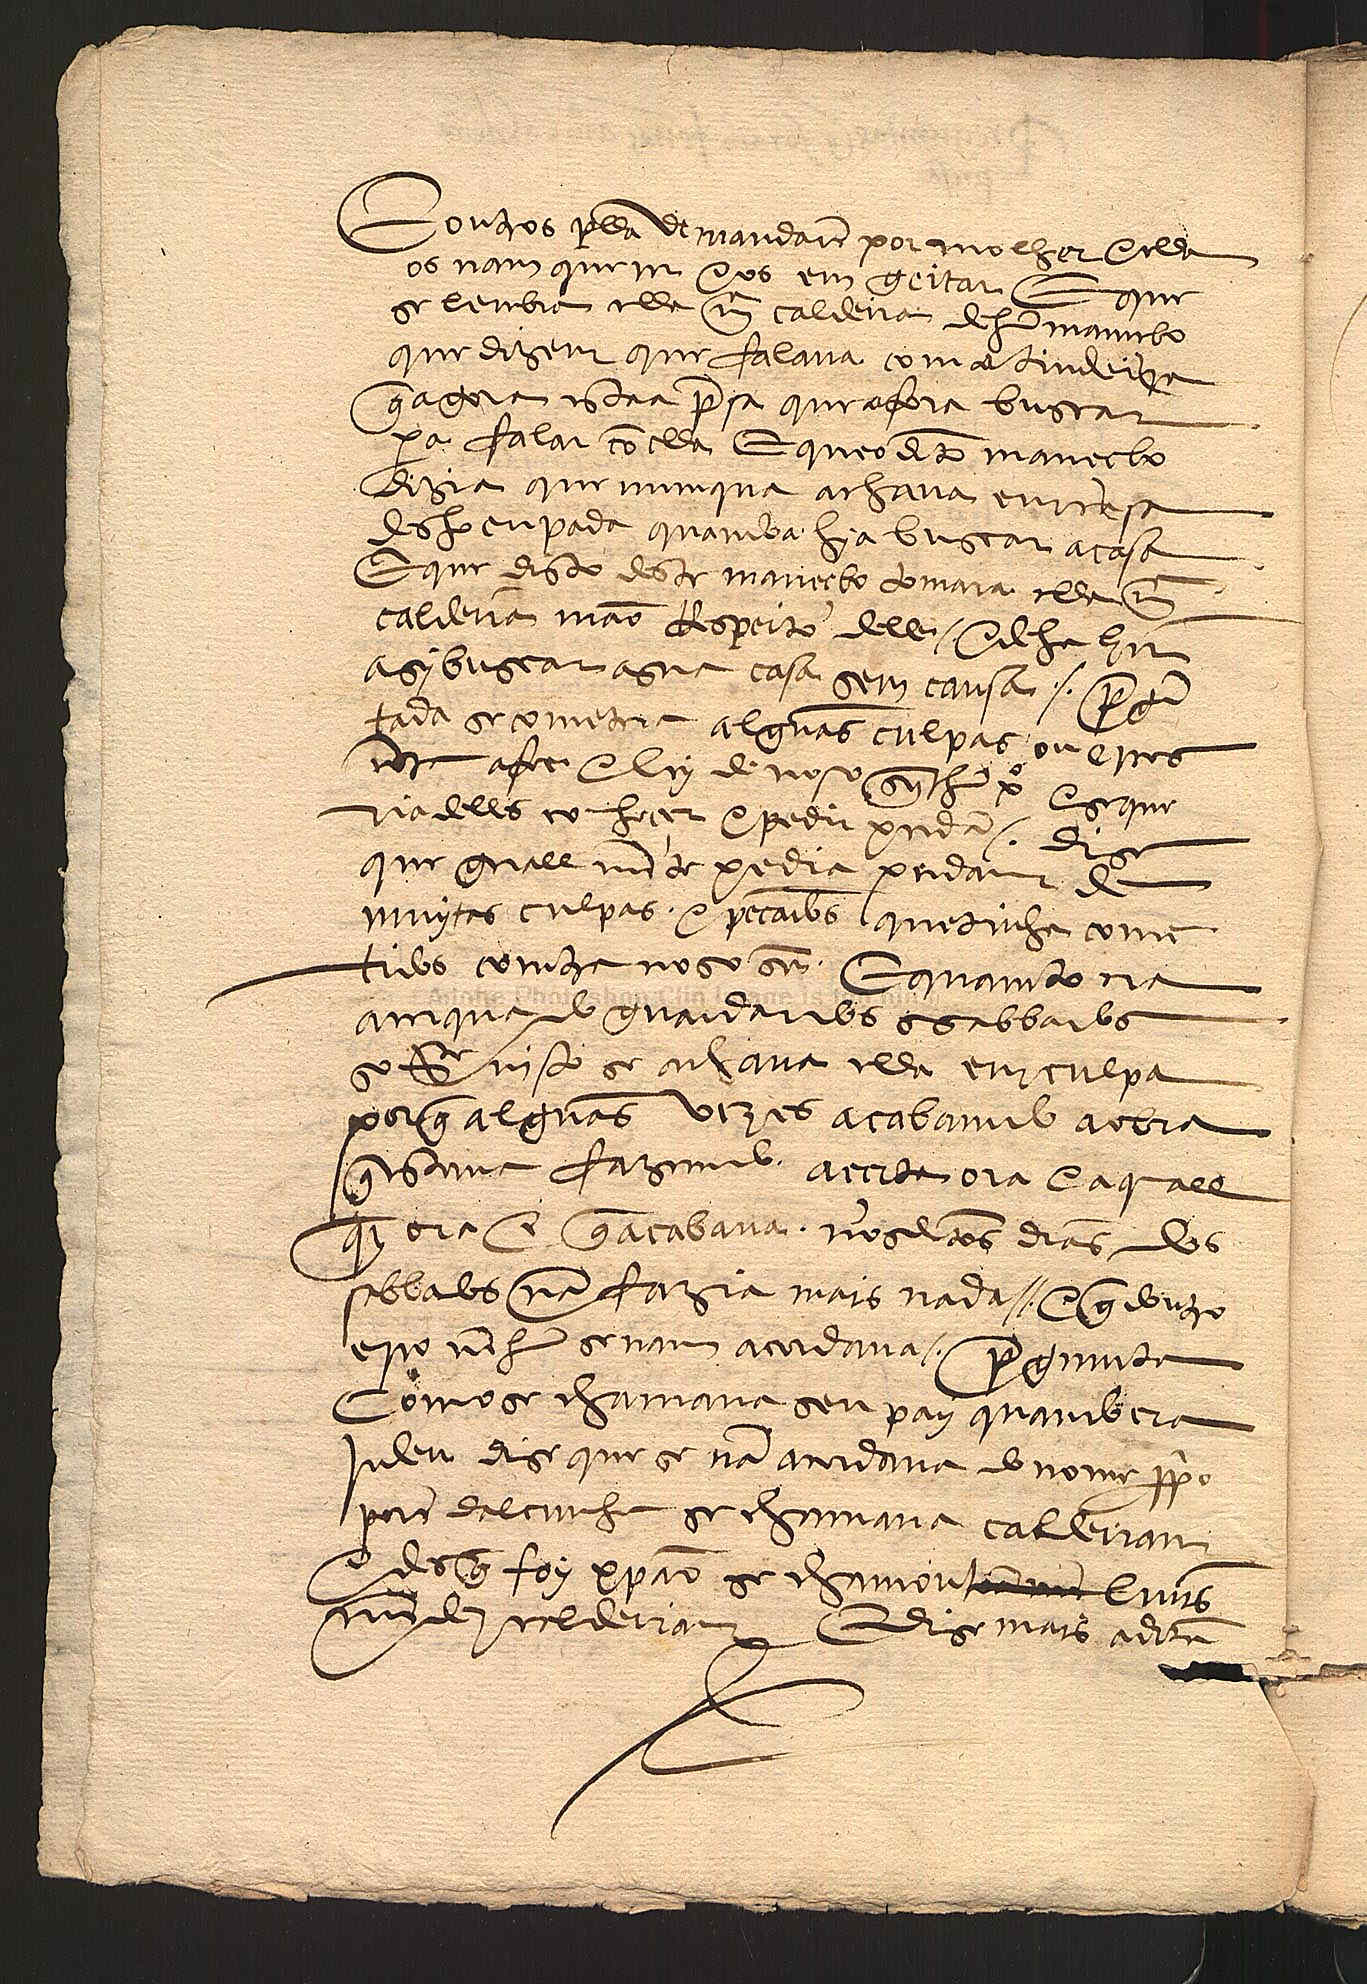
E outros pel̄la demandare̅ por molher e ella
os nam querer e os emgeitar E que
se lembra ella ma caldeira de hu̅ mançebo
que dizem que falaua com a tindeira
q̅ agora estaa p̄sa que a fora buscar
ꝑa falar co̅ ella E que o d̅ito mançebo
dizia que numqua achaua em casa
deshocupada quando hya buscar a casa
E que disto deste mançebo tomara ella m̄a
caldeira ma̅o Respeito delle / e de ha hir
asy buscar a sua casa sem causa ./. p̄gu̅
tada se cometera algu̅as culpas ou erros
c̅tra a fee e ley de noso s̅r Ihu xo e se que
ria delles conheçer e pedir perda̅ /. dise
que gerallme̅te pedia perdam de
muytas culpas. e pecados que tinha come
tidos comtra noso s̅or. E quamto era
acerqua do guardar dos ssabbados
somte nisto se achaua ella em culpa
porq̅ algu̅as vezes acabamdo a obra
q̅ estaua fazemdo a çerta ora e a quall
q̅r ora e̅ q̅ acabaua. nos dit̅os dias dos
sabbados nā fazia mais nada //. e q̅ doutro
erro n̅ehū se nam acordaua /. p̄gumta
Como se chamaua seu pay quando era
Judeu dise que se nā acordaua do nome ꝓp̄o
pore̅ dalcunha se chamaua caldeiram
e des q̅ foy xpa̅o se chamou _ luiīs
me̅dez caldeiram E dise mais a dit̅a
